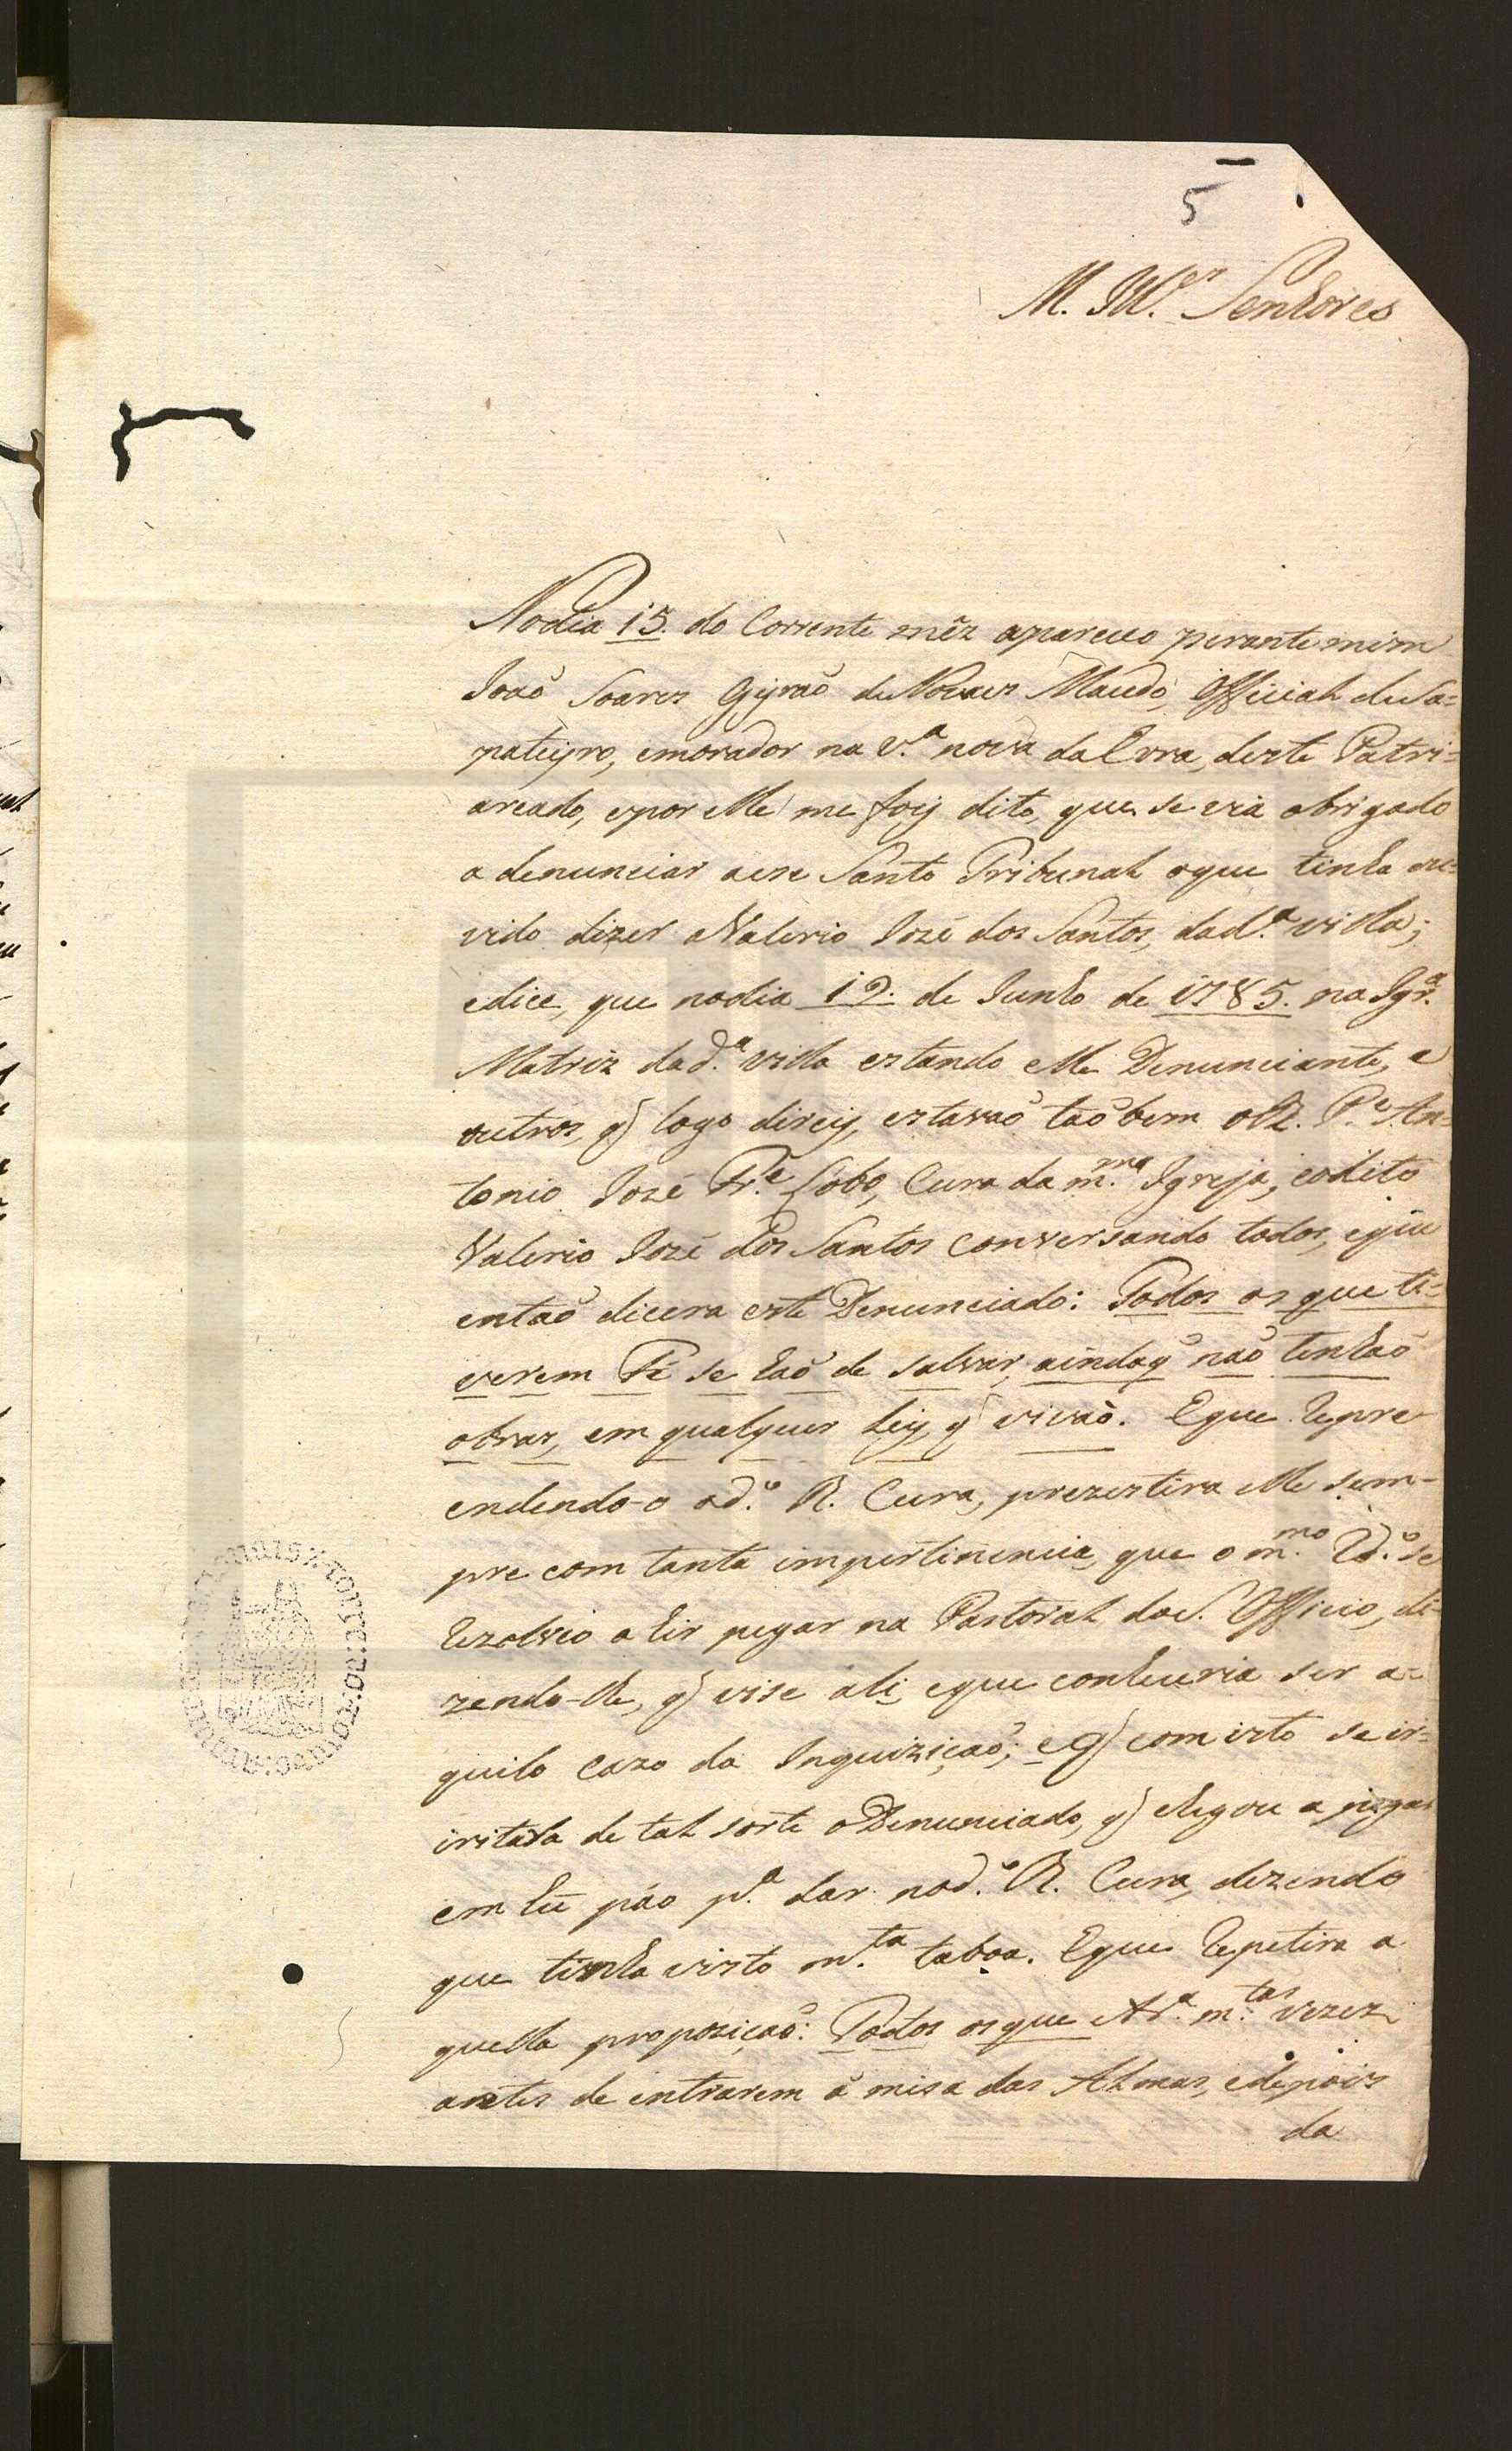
M. Ill.es Senhores
No dia i5. do corrente mêz apareceo perante mim
Ioaõ Soares Gyraõ de Novaes Macedo, OfficiaL de Sa
pateyro, e morador na v.a nova da Erra, dezte Patri
arcado, e por elle me foy dito, que se via obrigado
a denunciar a ese Santo TribunaL o que tinha ou
vido dizer a Valerio Iozé dos Santos, da d.a villa;
e dice, que no dia i2 de Iunho de i785 na Igr.a
Matriz da d.a villa estando elle Denunciante, e
outros, q̄ logo direy, estavaõ taõbem o R. P.e An
tonio Iozé Fr.e Lobo, Cura da m.ma Igreja, e o dito
Valerio Iozé dos Santos conversando todos, e que
entaõ dicera este Denunciado: Todos os que ti
verem Fé se haõ de salvar ainda q̄ naõ tenhaõ
obras, em qualquer Ley q̄ vivaõ. E que Repre
endendo-o o d.o R. Cura, prezestira elle sem
pre com tanta impertinencia, que o m.mo Rd.o se
Rezolveo o hir pegar na PastoraL do S. Officio, di
zendo-lhe, q̄ vise ali, e que conheceria ser a
quilo cazo da Inquiziçaõ, e q̄ com izto se ir
iritara de taL sorte o Denunciado, q̄ chegou a pegar
em hū páo p.a dar no d.o R. Cura, dizendo
que tinha visto m.ta taboa. E que Repetira a
quella propoziçaõ: Todos os que Ar.a m.tas vezez
antez de entrarem á misa das Almas, e depoiz
da
